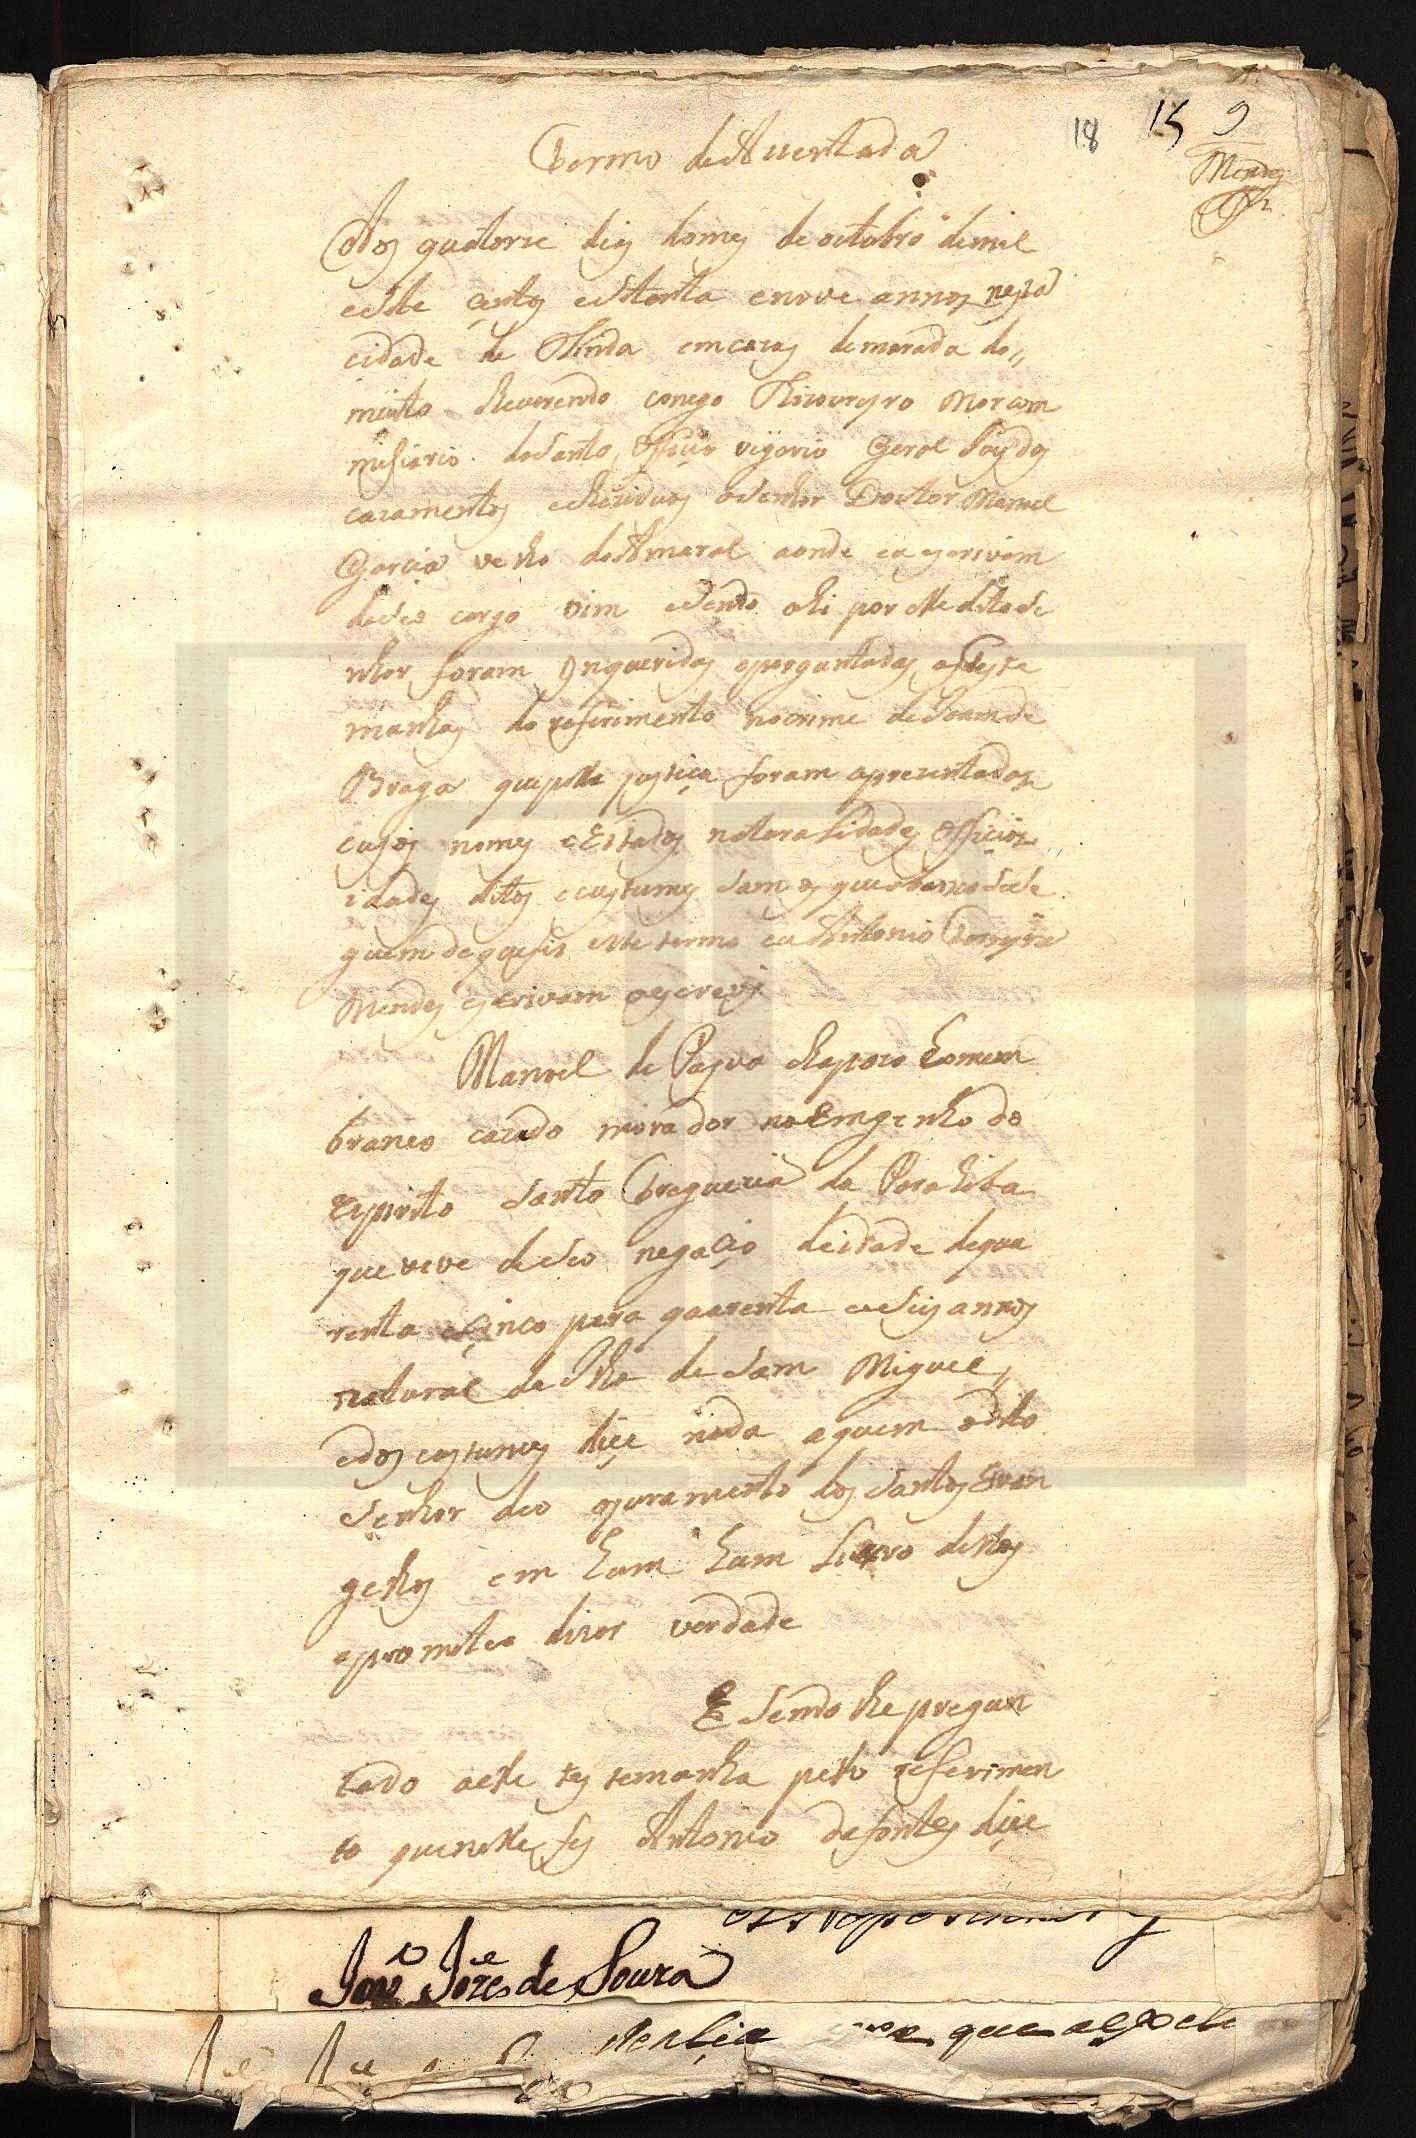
Termo de Assentada
Aos quatorze dias do mes de outubro de mil
e setecentos e setenta e nove annos nesta
cidade de Olinda em cazas de morada do,
muito Reverendo conego Thizourejro mor com
missario. do Santo Officio vigario Geral Iois dos
cazamentos e Reziduos o Senhor Doutor Manuel
Garcia velho do Amaral aonde eu escrivam
de seo cargo vim e sendo ahi por elle dito se
nhor foram Jnqueridas e perguntadas as teste
munhas do referimento no crime de Ioam de
Braga que pella justiça foram aprezentadas
cujos nomes e Estados naturalidades officioz
idade ditos e custumes sam os que abaixo se se
guem de que fis este termo eu Antonio Ferrejra
Mendes escrivam o escrevj
Manoel de Payva Rapozo homem
branco cazado morador no Emgenho do
espirito santo Freguezia da Parahiba
que vive de seo negocio de idade de qua
renta e cinco para quarenta e seis annos
natural de Ilha de Sam Miguel,
e dos costumes dice nada a quem o dito
Senhor deo o juramento dos Santos Evan
gelhos em hum hum Livro destas
e prometeo dizer verdade
E sendo lhe pregun
tado a elle testemunha pelo referimen
to que nelle fes Antonio da fontes dice
Ioaõ Iozé de Souza
